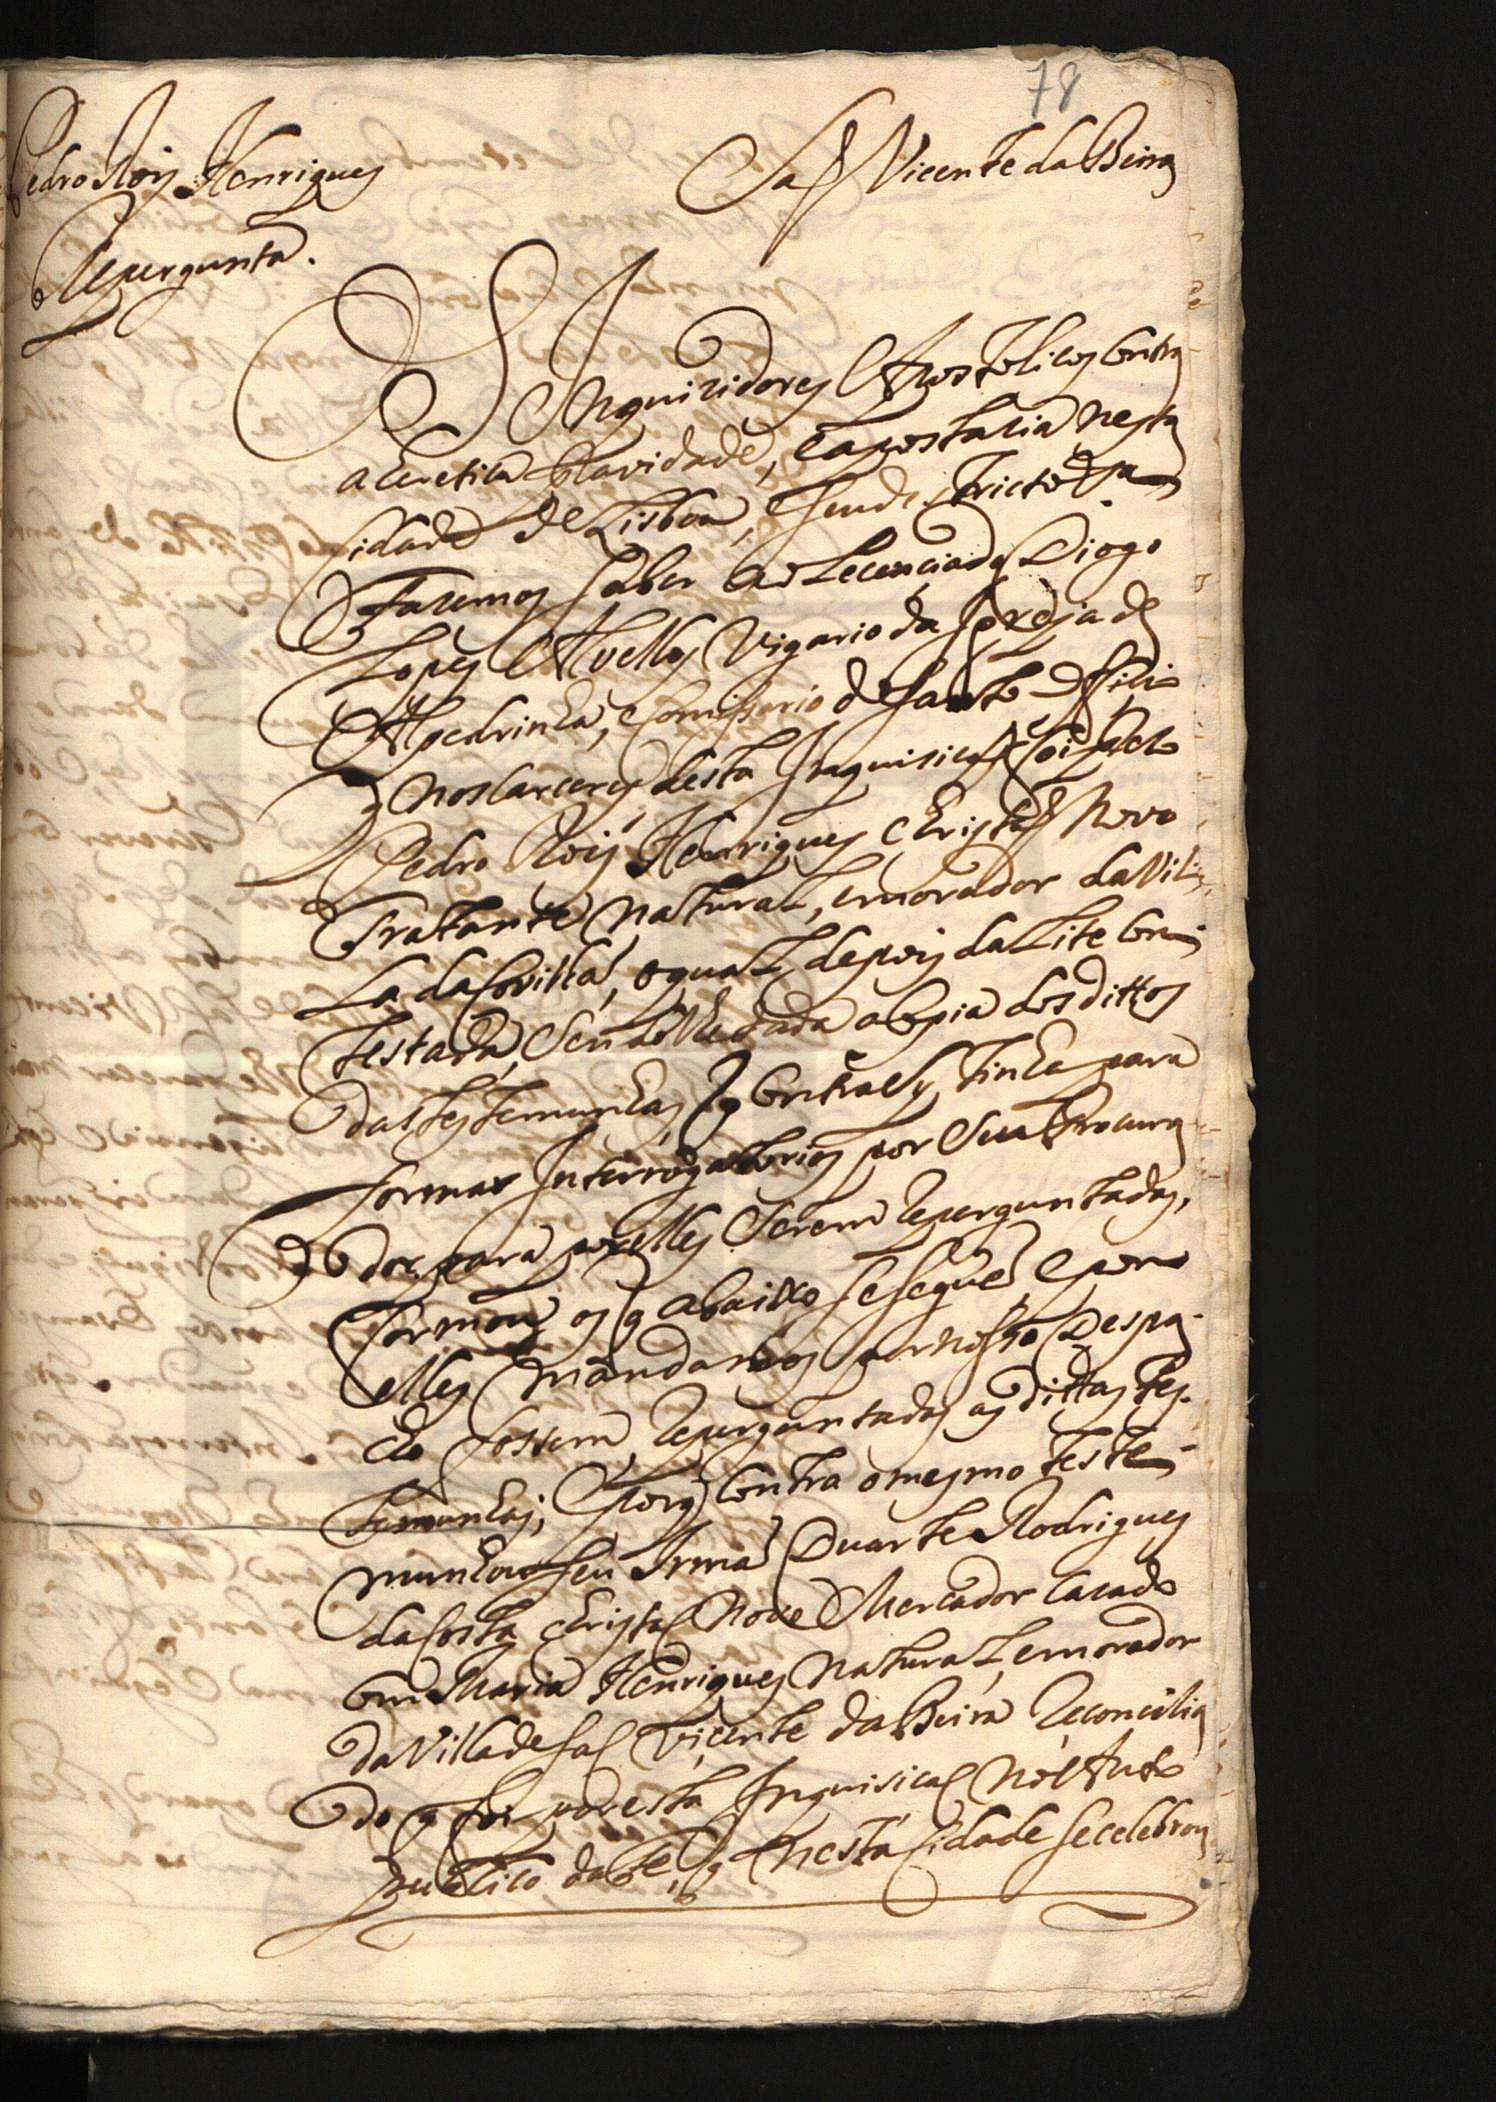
Saõ Vicente da Beira
Pedro Rois Henriques
Repergunta.
OS Inquizidores Apostolicos Contra
a heretica pravidade, e apostazia nesta
Cidade de Lisboa, e seu destricto &.a
Fazemos saber ao Lecençiado Diogo
Lopes Alvellos Vigario da Jgreja de
Alpedrinha, e Comissario do santo offiçio
q nos Carceres desta Jnquisicaõ foi prezo
Pedro Rois̄ Henriques christaõ novo
Tratante natural, e morador da Vil
La da Covilhã, o quaL depois da Lite Con
testada, sendolhe dada a Copia dos dittos
das testemunhas, q̄ Contra sy tinha para
formar Jnterrogatorios por seu Procura
dor para por elles serem Reperguntadas,
formou os q̄ abaixo se seguē e por
elles mandamos per nosso Despa
cho fossem Reperguntadas as dittas Tes
temunhas; & porq̄ Contra o mesmo Teste
munhou seu Irmaõ Duarte Rodrigues
da Costa christā novo Mercador cazado
com Maria Henriques natural, e morador
da Villa de Sā Viçente da Beira Reconcilia
do q̄ foi por esta Jnquisiçā no Auto
publico da Fe, q̄ nesta Cidade se celebrou
